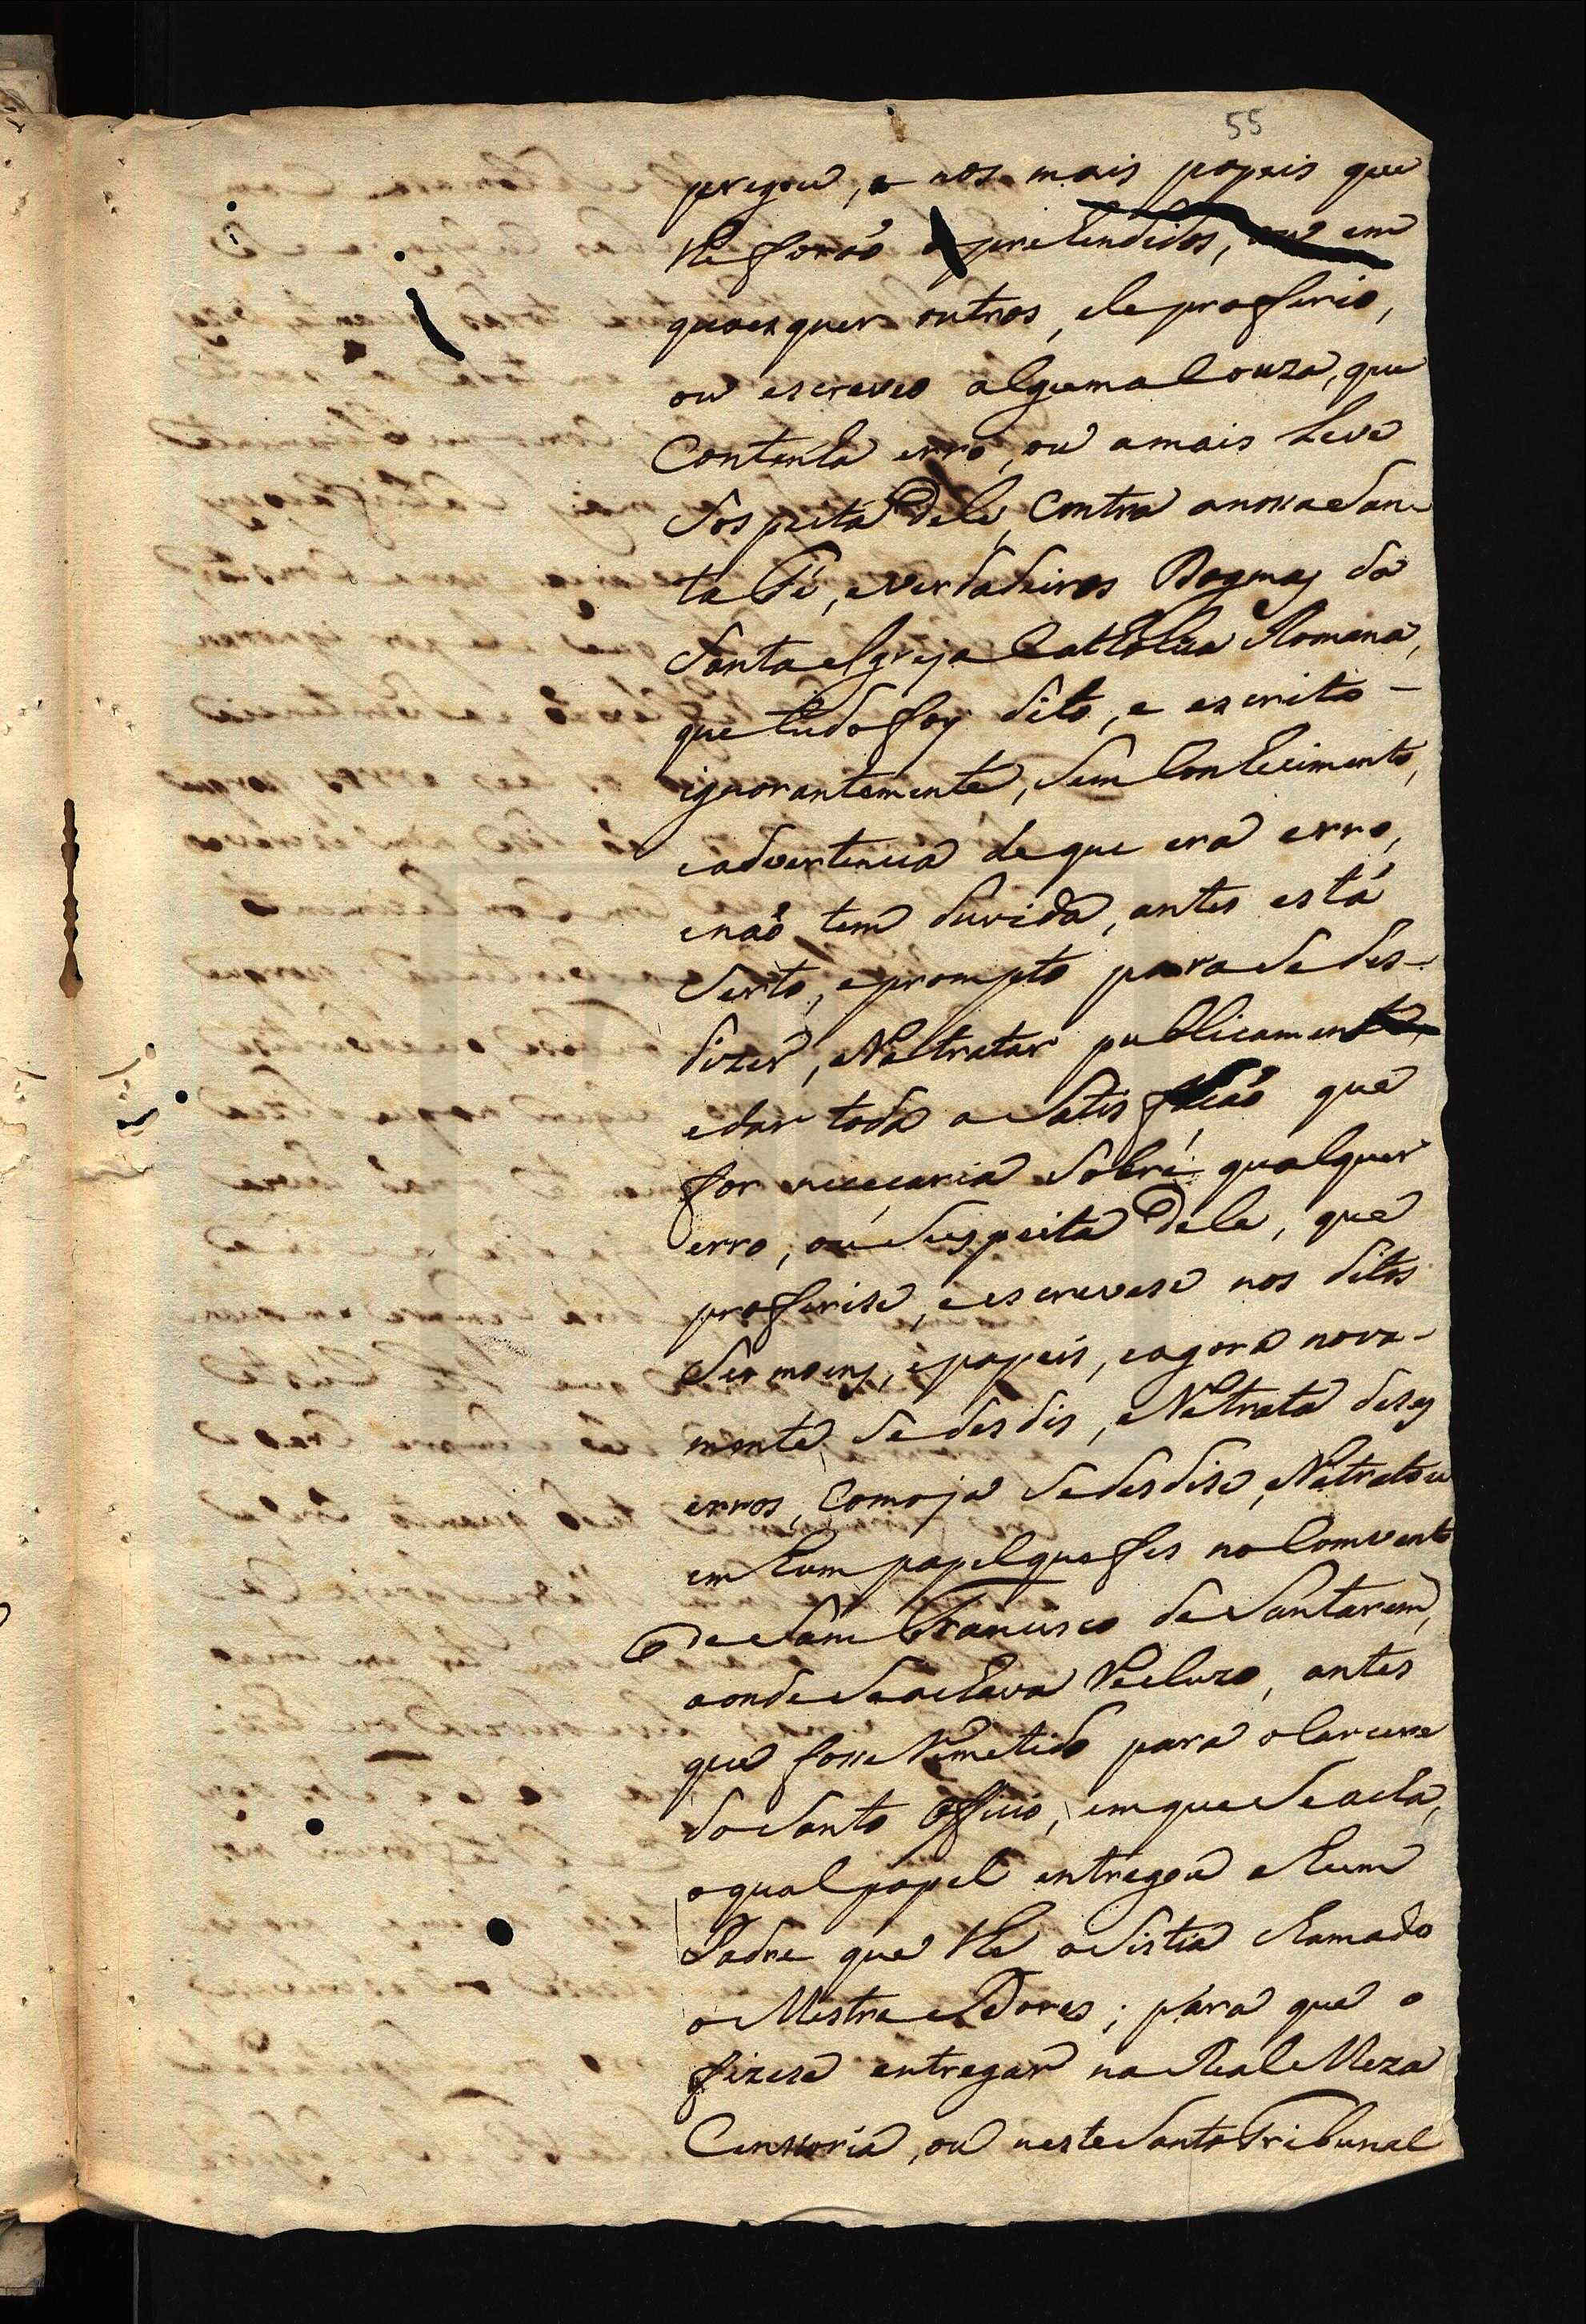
pregou, e nos mais papeis que
lhe foraõ aprehendidos,
_
em
quaesquer outros, ele proferio,
ou escreveo alguma Couza, que
Contenha erro, ou a mais Leve
Sospeita dele Contra a nossa San
ta Fé, e verdadeiros Dogmas da
Santa Igreja Catholica Romana,
que tudo foy dito, e escrito -
ignorantemente, Sem Conhecimento,
e advertencia de que era erro,
e naõ tem duvida, antes está
Serto, e prompto para Se des
dizer, e Retratar publicamen
e dar toda a Satisfaçaõ que
for neceçaria Sobre qualquer
erro, ou Suspeita dela, que
proferise, e escrevese nos ditos
sermoens, e papeis, e agora nova
mente se desdis, e Retrata deses
erros, Como ja Se desdise, e Retratou
em hum papel que fes no Comvento
de Sam Francisco de Santarem,
aonde Se achava Recluzo, antes
que fosse Remetido para o Carcere
do Santo Officio, em que Se acha,
o qual papel entregou a hum
Padre que lhe aSistia chamado
o Mestra Dores; para que o
fizese entregar na Real Meza
Censsoria, ou neste Santo Tribunal
